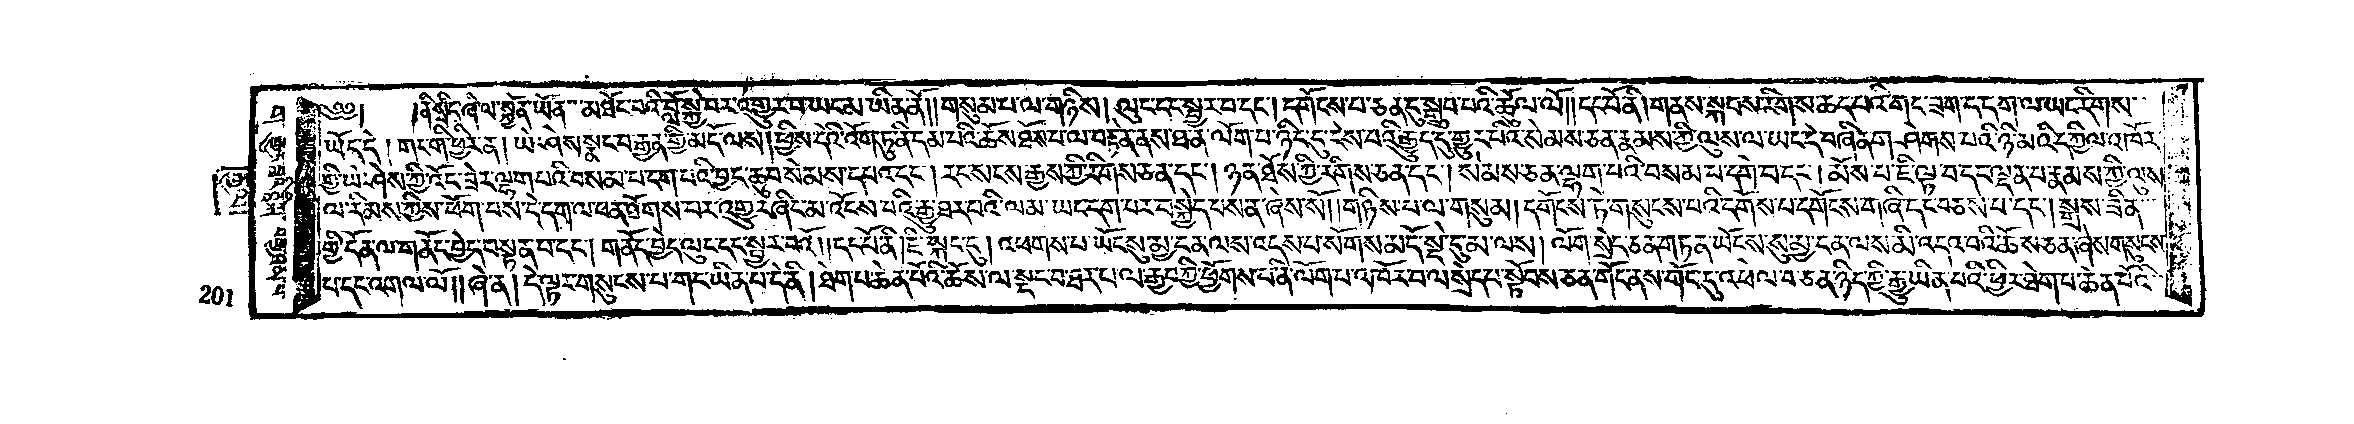༄༅། །ནི་སྲིད་ཞི་ལ་སྐྱོན་ཡོན་མཐོང་བའི་བློ་སྐྱེ་བར་འགྱུར་བ་ཡང་མ་ཡིན་ནོ། །གསུམ་པ་ལ་གཉིས། ལུང་དང་སྦྱར་བ་དང་། དགོངས་པ་ཅན་དུ་སྒྲུབ་པའི་ཚུལ་ལོ། །དང་པོ་ནི། གནས་སྐབས་རིགས་ཆད་པའི་གང་ཟག་དེ་དག་ལ་ཡང་རིགས་
ཡོད་དེ། གང་གི་ཕྱིར་ན། ཡེ་ཤེས་སྣང་བ་རྒྱན་གྱི་མདོ་ལས། ཕྱིས་དེའི་འོག་ཏུ་ནི་དམ་པའི་ཆོས་ཐོས་པ་ལ་བརྟེན་ནས་ཐ་ན་ལོག་པ་ཉིད་དུ་ངེས་པའི་རྒྱུད་དུ་གྱུར་པའི་སེམས་ཅན་རྣམས་ཀྱི་ལུས་ལ་ཡང་དེ་བཞིན་གཤེགས་པའི་ཉི་མའི་དཀྱིལ་འཁོར་
གྱི་ཡེ་ཤེས་ཀྱི་འོད་ཟེར་ལྷག་པའི་བསམ་པ་དག་པའི་བྱང་ཆུབ་སེམས་དཔའ་དང་། རང་སངས་རྒྱས་ཀྱི་རིགས་ཅན་དང་། ཉན་ཐོས་ཀྱི་རིགས་ཅན་དང་། སེམས་ཅན་ལྷག་པའི་བསམ་པ་དགེ་བ་དང་། མོས་པ་ཇི་ལྟ་བ་དང་ལྡན་པ་རྣམས་ཀྱི་ལུས་
ལ་རིམས་ཀྱིས་ཕོག་པས་དེ་དག་ལ་ཕན་ཐོགས་པར་འགྱུར་ཞིང་མ་འོངས་པའི་རྒྱུ་ཐར་པའི་ལམ་ཡང་དག་པར་བསྐྱེད་པས་ན་ཞེས་སོ། །གཉིས་པ་ལ་གསུམ། དགོངས་ཏེ་གསུངས་པའི་དགོས་པ་དགོངས་གཞི་དང་བཅས་པ་དང་། སྒྲས་ཟིན་
གྱི་དོན་ལ་གནོད་བྱེད་བསྟན་པ་དང་། གནོད་བྱེད་ལུང་དང་སྦྱར་བའོ། །དང་པོ་ནི། ཇི་སྐད་དུ། འཕགས་པ་ཡོངས་སུ་མྱ་ངན་ལས་འདས་པ་སོགས་མདོ་སྡེ་དུ་མ་ལས། ལོག་སྲེད་ཅན་གཏན་ཡོངས་སུ་མྱ་ངན་ལས་མི་འདའ་བའི་ཆོས་ཅན་ཞེས་གསུངས་
པ་དང་འགལ་ལོ། །ཞེ་ན། དེ་ལྟར་གསུངས་པ་གང་ཡིན་པ་དེ་ནི། ཐེག་པ་ཆེན་པོའི་ཆོས་ལ་སྡང་བ་ཐར་པ་ལ་རྒྱབ་ཀྱི་ཕྱོགས་པ་ནི་ལོག་པ་འཁོར་བ་ལ་སྲེད་པ་སྟོབས་ཅན་གོང་ནས་གོང་དུ་འཕེལ་བ་ཅན་ཉིད་ཀྱི་རྒྱུ་ཡིན་པའི་ཕྱིར་ཐེག་པ་ཆེན་པོའི་